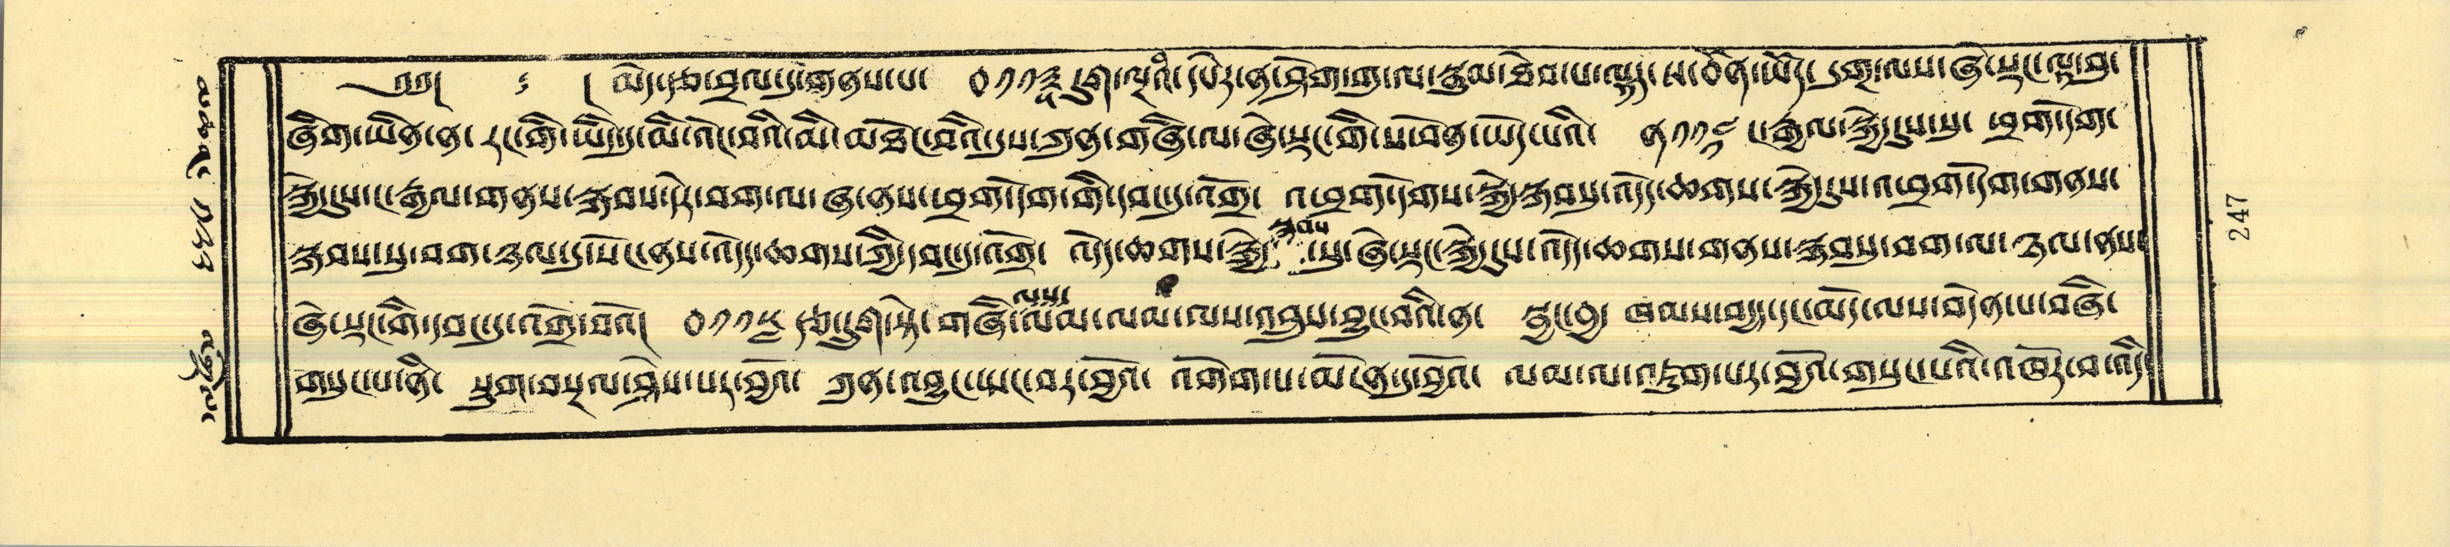མེད་རྩ་བྲལ་དུ་གནས་པ་བ༡༡༣།༥ ༼དུག་ལྔའི་༽དཔེར་ན་ཤོག་གུ་ལ་སྣུམ་ཐེབ་པ་ལྟར་ ༼ས་བོན་ཡོད་༽དུག་ལྔ་ལས་ཞེ་སྡང་ལྟ་བུ་
ཞིག་ཡིན་ན། རང་གི་ཡིད་དུ་མི་འོང་བའི་མི་མཐོང་བའི་དུས་ཀུན་གཞི་ལ་ཞེ་སྡང་གི་ས་བོན་ཡོད་པའི་ན༡༡༤།༡ ང་རྒྱལ་སྐྱེ་དུས་སུ། ཕྲག་དོག་
སྐྱེས་དུས་ང་རྒྱལ་གནས་སྐབས་དེར་བག་ལ་ཞ་ནས་ཕྲག་དོག་གི་དབང་དུ་འགྲོ། འཕྲག་དོགས་སྐྱེ་སྐབས་སུ་འདོད་ཆགས་སྐྱེ་དུས་འཕྲག་དོག་གནས་
སྐབས་སུ་བག་ཉལ་དུ་སོང་ནས་འདོད་ཆགས་ཀྱི་དབང་དུ་འགྲོ། འདོད་ཆགས་སྐྱེ་སྐབས་སུ་ཞེ་སྡང་སྐྱེ་དུས་འདོད་ཆགས་གནས་སྐབས་སུ་བག་ལ་ཉལ་ནས་
ཞེ་སྡང་གི་དབང་དུ་འགྲོ་བའོ། བ༡༡༥།༤ ༼རྩ་དྲུག་སྟེ་༽གཞི་ལས་ལམ་ལམ་ལས་འབྲས་བུ་བྱུང་བའི་ན་ ༼སྦྱང་བྱ་༽ཁམས་བརྒྱད་དང་མདོ་ལས་བདེན་པ་བཞི་
གསུང་པ་ནི། སྡུག་བསྔལ་ཤེས་པར་བྱའོ། ཀུན་འབྱུང་སྤང་བར་བྱའོ། འགོག་པ་མངོན་དུ་བྱའོ། ལམ་ལ་འཇུག་པར་བྱའོ་གསུང་པའི་འཁོར་བ་འདི་